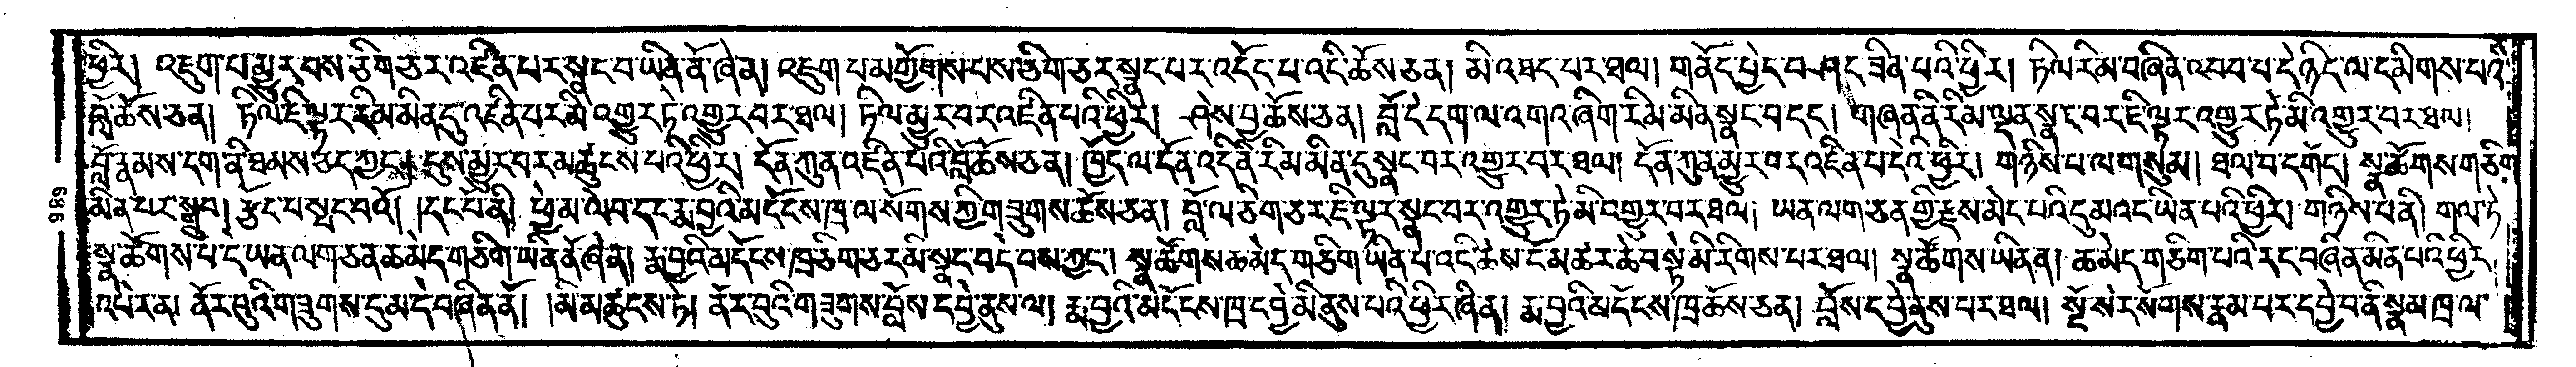ཕྱིར། འཇུག་པ་མྱུར་བས་ཅིག་ཅར་འཛིན་པར་སྣང་བ་ཡིན་ནོ་ཞེ་ན། འཇུག་བ་མགྱོགས་པས་ཅིག་ཅར་སྣང་བར་འདོད་པ་འདི་ཆོས་ཅན། མི་འཐད་པར་ཐལ། གནོད་བྱེད་བཤང་ཟིན་པའི་ཕྱིར། ཏིལ་རིམ་བཞིན་འབབ་པ་དེ་ཉིད་ལ་དམིགས་པའི་
བློ་ཆོས་ཅན། ཏིལ་ཇི་ལྟར་རིམ་མིན་དུ་འཛིན་པར་མི་འགྱུར་ཏེ་འགྱུར་པར་ཐལ། ཏིལ་མྱུར་བར་འཛིན་པའི་ཕྱིར། ཤེས་བྱ་ཆོས་ཅན། བློ་དེ་དག་ལ་འགའ་ཞིག་རིམ་མིན་སྣང་བ་དང་། གཞན་ནི་རིམ་ལྡན་སྣང་བར་ཇི་ལྟར་འགྱུར་ཏེ་མི་འགྱུར་བར་ཐལ།
བློ་རྣམས་དག་ནི་ཐམས་ཅད་ཀྱང་། དུས་མྱུར་བར་མཚུངས་པའི་ཕྱིར། དོན་ཀུན་འཛིན་པའི་བློ་ཆོས་ཅན། ཁྱོད་ལ་དོན་འདི་ནི་རིམ་མིན་དུ་སྣང་བར་འགྱུར་པར་ཐལ། དོན་ཀུན་མྱུར་བར་འཛིན་པ་དེའི་ཕྱིར། གཉིས་པ་ལ་གསུམ། ཐལ་བ་དགོད། སྣ་ཚོགས་གཅིག་
མིན་པར་སྒྲུབ། རྩོང་པ་སྤང་བའོ། །དང་པོ་ནི། ཕྱེ་མ་ལེབ་དང་རྨ་བྱའི་མདོངས་ཁྲ་ལ་སོགས་ཀྱི་གཟུགས་ཆོས་ཅན། བློ་ལ་ཅིག་ཅར་ཇི་ལྟར་སྣང་བར་འགྱུར་ཏེ་མི་འགྱུར་པར་ཐལ། ཡན་ལག་ཅན་གྱི་རྫས་མེད་པའི་དུ་མའང་ཡིན་པའི་ཕྱིར། གཉིས་པ་ནི། གལ་ཏེ་
སྣ་ཚོགས་པ་དེ་ཡན་ལག་ཅན་ཆ་མེད་གཅིག་ཡིན་ནོ་ཞེ་ན། རྨ་བྱའི་མདོངས་ཁྲ་ཅིག་ཅར་མི་སྣང་བདེ་བས་ཀྱང་། སྣ་ཚོགས་ཆ་མེད་གཅིག་ཡིན་པ་འདི་ཆེས་ངོ་མཚར་ཆེ་བསྟེ་མི་རིགས་པར་ཐལ། སྣ་ཚོགས་ཡིན་ན། ཆ་མེད་གཅིག་པའི་རང་བཞིན་མིན་པའི་ཕྱིར་
འྤེར་ན། ནོར་བུའི་གཟུགས་དུ་མ་དེ་བཞིན་ནོ། །མི་མཚུངས་ཏེ། ནོར་བུའི་གཟུགས་བློས་དབྱེ་ནུས་ལ། རྨ་བྱའི་མདོངས་ཁྲ་དབྱེ་མི་ནུས་པའི་ཕྱིར་ཞི་ན། རྨ་བྱའི་མདོངས་ཁྲ་ཆོས་ཅན། བློས་དབྱེ་ནུས་པར་ཐལ། སྔོ་སེར་སོགས་རྣམ་པར་དབྱེ་བ་ནི་སྣམ་ཁྲ་ལ་